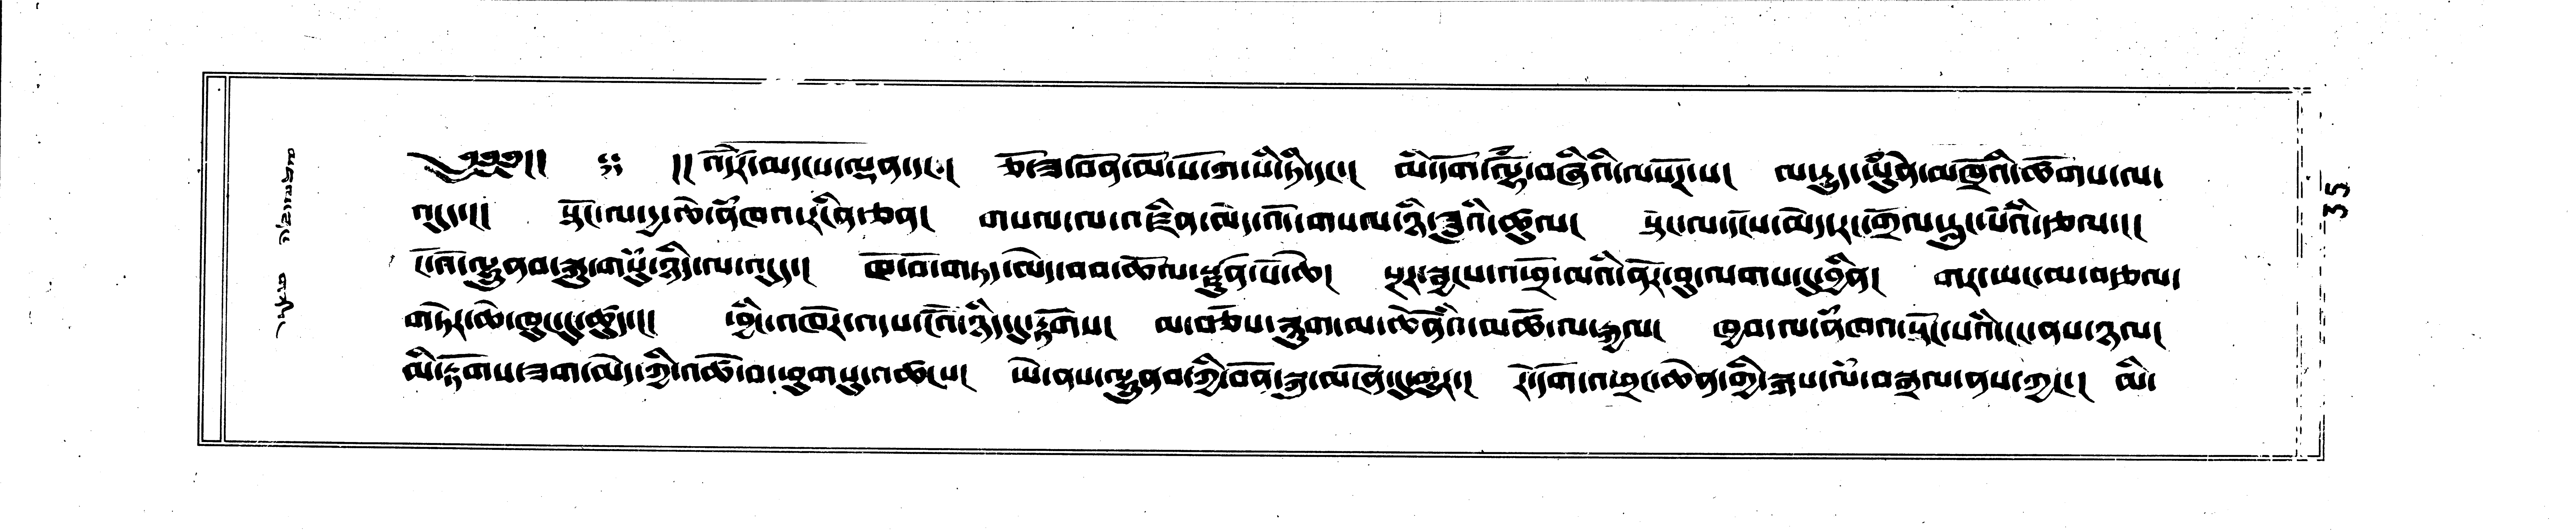འོད་ཟེར་མདངས་ལྡན་དང་། ཅོ་ཟ་བོན་མོ་སོ་ཀ་སི་ཏི་དང་། མི་དོག་༼མེ་ཏོག༽ལྷ་མོ་བཞིའི་ལ་སོགས་པ། མ་རྒྱུད་ཡུམ་ཆེན་མཁའ་འགྲོའི་ཚོགས་ལ་
འདུད།། སྟོང་ལ་རྒྱ་ཆེ་ནམ་མཁའ་རང་བཞིན་ཅན། གསལ་ལ་འཛིན་མེད་འོད་གསལ་ཉི་ཟླའི་ཚུལ། སྟོང་ལ་དངོས་མེད་རང་གྲོལ་རླུང་པོའི་རྩལ། 
ངོ་བོ་ལྷུན་གྲུབ་སྐུ་གསུམ་ཉིད་ལ་འདུད། ཁོ་བོ་གཏད་མེད་བབ་ཆོལ་རྫུན་པོ་ཆེ། སྔར་སྦྱངས་འཕྲོ་མའི་ནོར་བུ་ལག་ཏུ་བྱིན། གར་ཡང་མ་བཙལ་
གཏེར་ཆེ་ཁུང་དུ་ཚུད། ཕྱི་ནང་འཁོར་འདས་ངོ་བོ་ཉིད་དུ་རྟོགས། མ་བཅོས་གཉུག་མ་ཆེན་པོའི་མཚོ་ལ་བསྐྱལ། ཁྱབ་ལ་ནམ་མཁའ་སྟོང་པའི་ངང་ནས་ཉལ། 
མི་རྟོག་ཟག་མེད་ཀྱི་འཚོ་བ་ཕུགས་སུ་འཚངས། ཡེ་ནས་ལྷུན་གྲུབ་ཀྱི་བོན་སྐུ་མངོན་དུ་གྱུར། རེ་དོག་འཕྲང་ཆེན་གྱི་སྐས་ལམ་བསྒྲལ་ནས་ཀྱང་། མི་